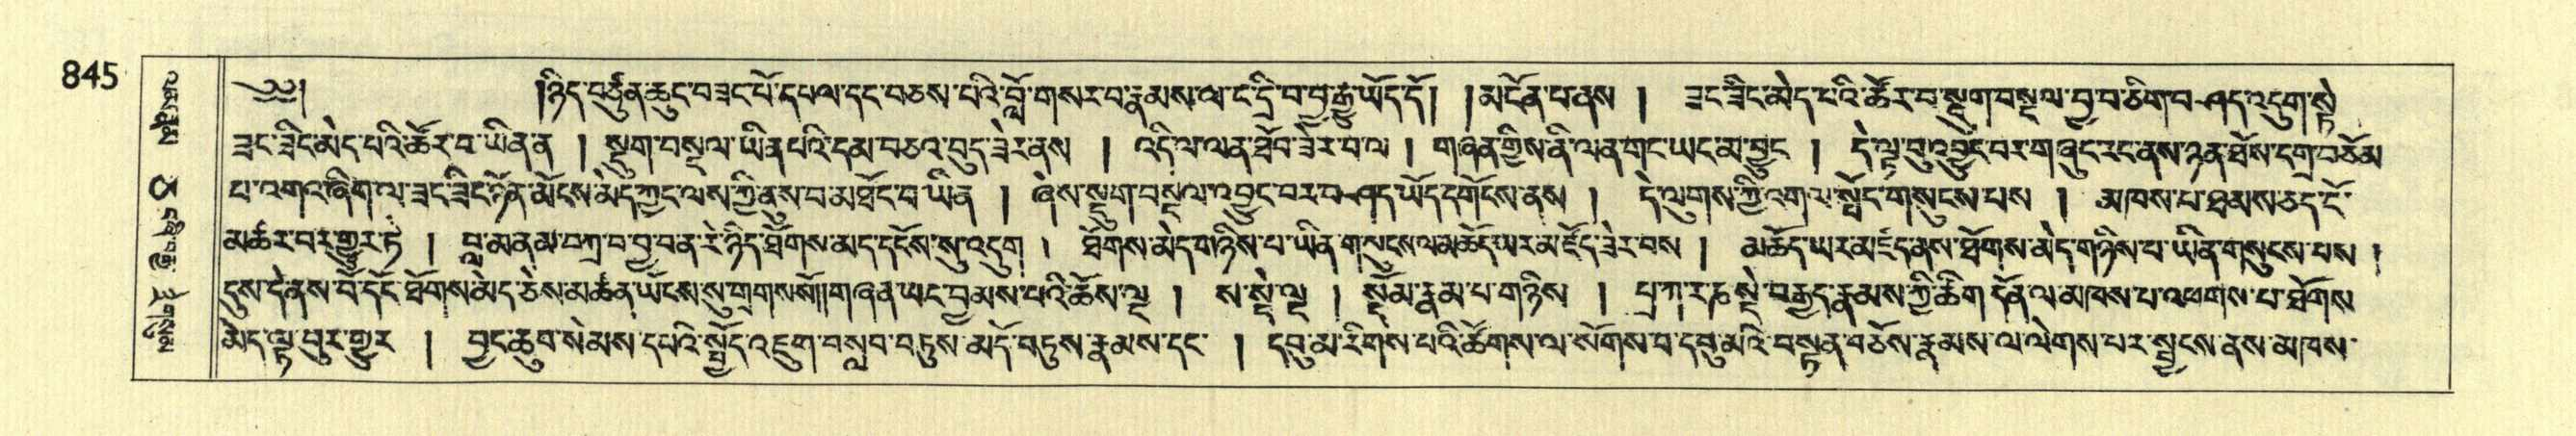༄༅། །ཉིད་བཙུན་ཆུང་བཟང་པོ་དཔལ་དང་བཅས་པའི་བློ་གསར་བ་རྣམས་ལ་ང་དྲི་བ་བྱ་རྒྱུ་ཡོད་དོ། །མངོན་པ་ནས། ཟང་ཟིང་མེད་པའི་ཚོར་བ་སྡུག་བསྔལ་བྱ་བ་ཅིག་བཤད་འདུག་སྟེ་
ཟང་ཟིང་མེད་པའི་ཚོར་བ་ཡིན་ན། སྡུག་བསྔལ་ཡིན་པའི་དམ་བཅའ་བུད་ཟེར་ནས། འདི་ལ་ལན་ཐོབ་ཟེར་བ་ལ། གཞན་གྱིས་ནི་ལན་གང་ཡང་མ་བྱུང་། དེ་ལྟ་བུ་འབྱུང་བར་གཞུང་རང་ནས་ཉན་ཐོས་དགྲ་བཅོམ་
པ་འགའ་ཞིག་ལ་ཟང་ཟིང་ཉོན་མོངས་མེད་ཀྱང་ལས་ཀྱི་ནུས་བ་མཐོང་བ་ཡིན། ཞེས་སྡུག་བསྔལ་འབྱུང་བར་བཤད་ཡོད་དགོངས་ནས། དེ་ལུགས་ཀྱི་འགལ་སྤོང་གསུངས་པས། མཁས་པ་ཐམས་ཅད་ངོ་
མཚར་བར་གྱུར་ཏེ། བླ་མ་ནམ་བཀྲ་བ་བྱ་བ་ན་རེ་ཉིད་ཐོགས་མད་དངོས་སུ་འདུག། ཐོགས་མེད་གཉིས་པ་ཡིན་གསུངས་ལ་མཆོད་ཡར་མཛོད་ཟེར་བས། མཆོད་ཡར་མཛད་ནས་ཐོགས་མེད་གཉིས་པ་ཡིན་གསུངས་པས།
དུས་དེ་ནས་བོ་དོང་ཐོགས་མེད་ཅེས་མཚན་ཡོངས་སུ་གྲགས་སོ། །གཞན་ཡང་བྱམས་པའི་ཆོས་ལྔ། ས་སྡེ་ལྔ། སྡོམ་རྣམ་པ་གཉིས། པྲ་ཀ་ར་ཎ་སྡེ་བརྒྱད་རྣམས་ཀྱི་ཚིག་དོན་ལ་མཁས་པ་འཕགས་པ་ཐོགས་
མེད་ལྟ་བུར་གྱུར། བྱང་ཆུབ་སེམས་དཔའི་སྤྱོད་འཇུག་བསླབ་བཏུས་མདོ་བཏུས་རྣམས་དང་། དབུ་མ་རིགས་པའི་ཚོགས་ལ་སོགས་བ་དབུ་མའི་བསྟན་བཅོས་རྣམས་ལ་ལེགས་པར་སྦྱངས་ནས་མཁས་